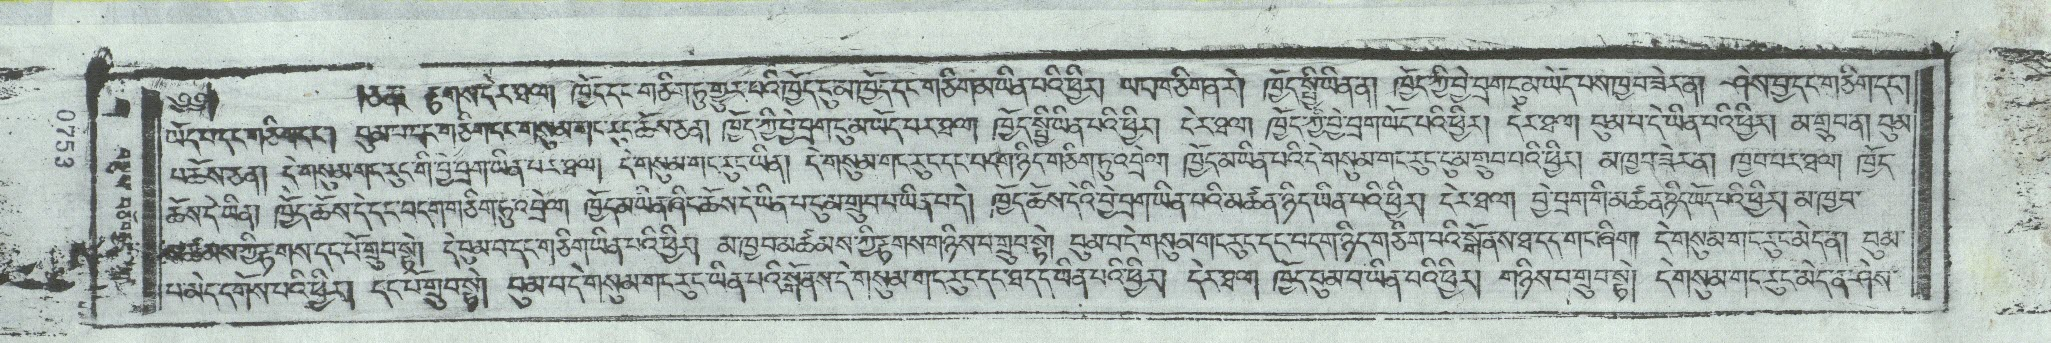༄༅། །ཅན༑ རྟགས་དེར་ཐལ། ཁྱོད་དང་གཅིག་ཏུ་གྱུར་པའི་ཁྱོད་དུ་མ་ཁྱོད་དང་གཅིག་མ་ཡིན་པའི་ཕྱིར། ཡང་ཁ་ཅིག་ན་རེ། ཁྱོད་སྤྱི་ཡིན་ན། ཁྱོད་ཀྱི་བྱེ་བྲག་དུ་མ་ཡོད་པས་ཁྱབ་ཟེར་ན། ཤེས་བྱ་དང་གཅིག་དང་།
ཡོད་པ་དང་གཅིག་དང་། བུམ་པ་དང་གཅིག་དང་གསུམ་གང་རུང་ཆོས་ཅན། ཁྱོད་ཀྱི་བྱེ་བྲག་དུ་མ་ཡོད་པར་ཐལ། ཁྱོད་སྤྱི་ཡིན་པའི་ཕྱིར། དེར་ཐལ། ཁྱོད་ཀྱི་བྱེ་བྲག་ཡོད་པའི་ཕྱིར། དེར་ཐལ། བུམ་པ་དེ་ཡིན་པའི་ཕྱིར། མ་གྲུབ་ན། བུམ་
པ་ཆོས་ཅན། དེ་གསུམ་གང་རུང་གི་བྱེ་བྲག་ཡིན་པར་ཐལ། དེ་གསུམ་གང་རུང་ཡིན། དེ་གསུམ་གང་རུང་དང་བདག་ཉིད་གཅིག་ཏུ་འབྲེལ། ཁྱོད་མ་ཡིན་པའི་དེ་གསུམ་གང་རུང་དུ་མ་གྲུབ་པའི་ཕྱིར། མ་ཁྱབ་ཟེར་ན། ཁྱབ་པར་ཐལ། ཁྱོད་
ཆོས་དེ་ཡིན། ཁྱོད་ཆོས་དེ་དང་བདག་གཅིག་ཏུ་འབྲེལ། ཁྱོད་མ་ཡིན་ཞིང་ཆོས་དེ་ཡིན་པ་དུ་མ་གྲུབ་པ་ཡིན་པ་དེ། ཁྱོད་ཆོས་དེའི་བྱེ་བྲག་ཡིན་པའི་མཚན་ཉིད་ཡིན་པའི་ཕྱིར། དེར་ཐལ། བྱེ་བྲག་གི་མཚན་ཉིད་ཡོད་པའི་ཕྱིར། མ་ཁྱབ་
མཚམས་ཀྱི་རྟགས་དང་པོ་གྲུབ་སྟེ། དེ་བུམ་པ་དང་གཅིག་ཡིན་པའི་ཕྱིར། མ་ཁྱབ་མཚམས་ཀྱི་རྟགས་གཉིས་པ་གྲུབ་སྟེ། བུམ་པ་དེ་གསུམ་གང་རུང་དང་བདག་ཉིད་གཅིག་པའི་སྒོ་ནས་ཐ་དད་གང་ཞིག། དེ་གསུམ་གང་རུང་མེད་ན། བུམ་
པ་མེད་དགོས་པའི་ཕྱིར། དང་པོ་གྲུབ་སྟེ། བུམ་པ་དེ་གསུམ་གང་རུང་ཡིན་པའི་སྒོ་ནས་དེ་གསུམ་གང་རུང་དང་ཐ་དད་ཡིན་པའི་ཕྱིར། དེར་ཐལ། ཁྱོད་བུམ་པ་ཡིན་པའི་ཕྱིར། གཉིས་པ་གྲུབ་སྟེ། དེ་གསུམ་གང་རུང་མེད་ན་ཤེས་